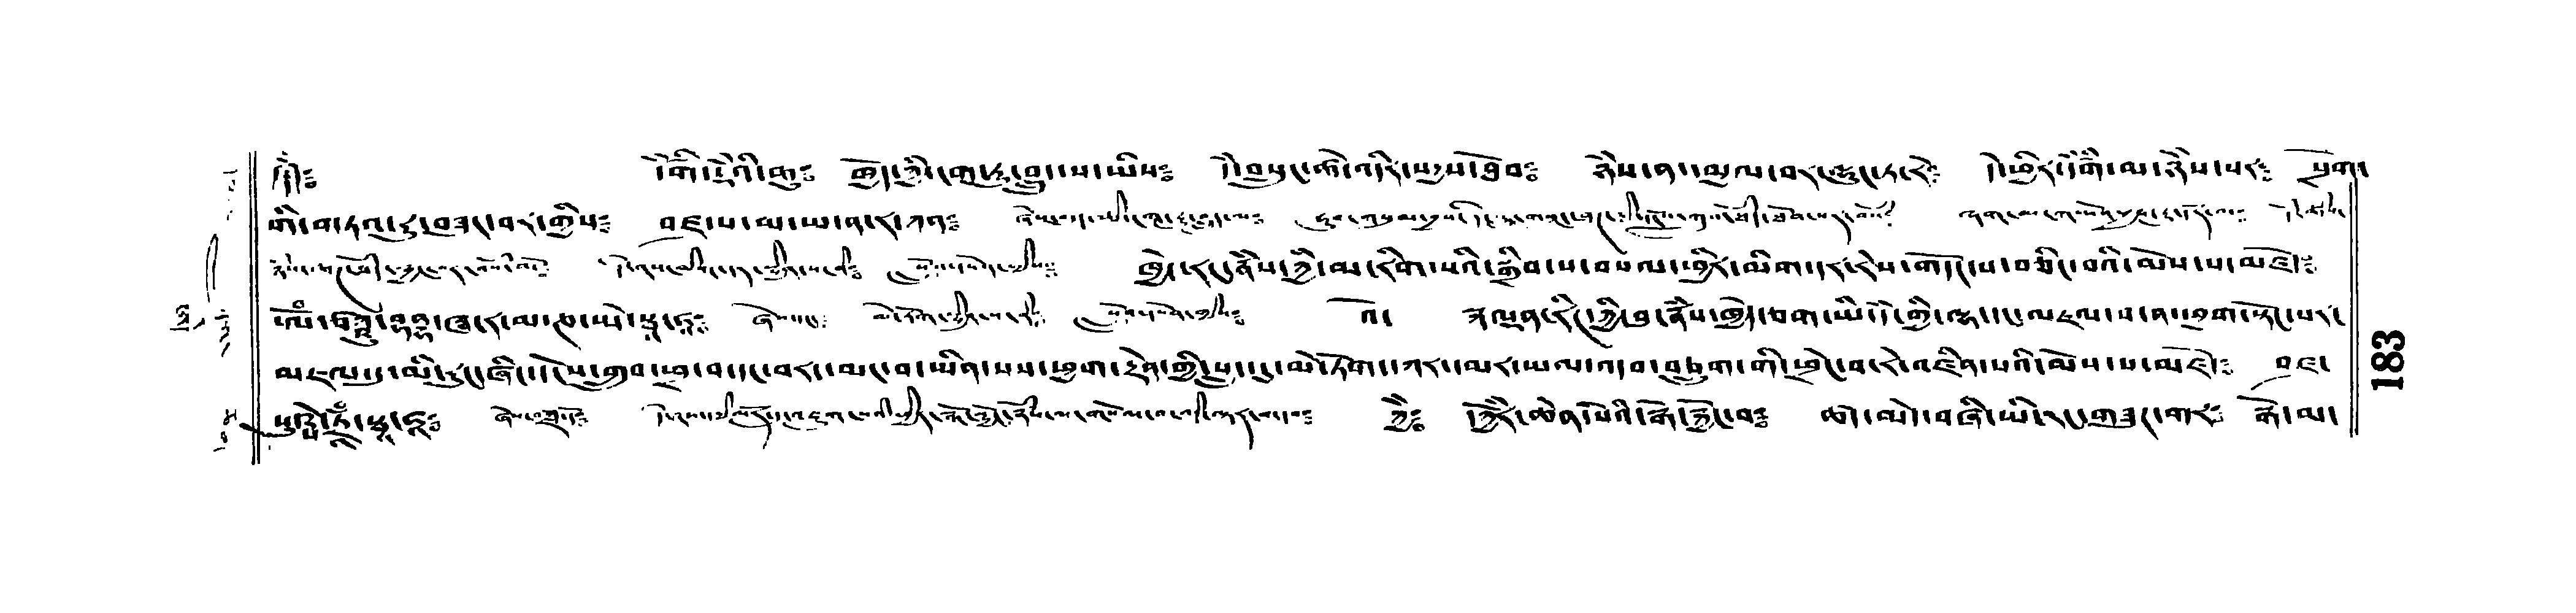དམ་ཚིག་རྡོ་རྗེའི་ཆུ༔ ཁྱེད་ཀྱི་ངག་ཏུ་བླུད་པ་ཡིས༔དམ་བསྲུངས་ཚེ་འདིར་སངས་རྒྱས་འཐོབ༔ ཉམས་ན་དམྱལ་བར་ལྷུང་ཏ་རེ༔ དེ་ཕྱིར་དམ་ཚིག་མ་ཉམས་པར༔ སྲོག་
གི་གཏའ་རུ་བཟུང་བར་གྱིས༔ བཛྲ་ས་མ་ཡ་ན་ར་ཀན༔ ཞེས་བདུད་རྩི་ངག་ཏུ་བླུད་ལ༔ ཧུབ་གསུམ་བྱས་ཏེ་སྐུ་གསུང་ཐུགས་ཀྱི་དངོས་གྲུབ་ཐམས་ཅད་ཐོབ་པར་བསམ༔ ལྷག་མ་གཡོན་རྒྱབ་ཏུ་དོར་ལ༔ དམ་ཚིག་
ཉམས་ཆག་ཐམས་ཅད་སྦྱང་བར་བསམ་མོ༔ དེ་ནས་མིག་དར་སྦྱིན་པ་ནི༔ སློབ་དཔོན་གྱིས༔ ཁྱེད་རང་རྣམས་ཀྱི་མ་རིག་པའི་སྒྲིབ་པ་བསལ་ཕྱིར་མིག་དར་རེས་གདོང་པ་བཅིང་བའི་མོས་པ་མཛོད༔ 
ཨོཾ་ཙཀྵུ་བྷནྡྷ་ཝ་ར་ཎ་ཡེ་སྭཱ་ཧཱ༔ ཞེས་དང༔ མེ་ཏོག་སྦྱིན་པ་ནི༔ སློབ་དཔོན་གྱིས༔ འོ༔ སྐལ་ལྡན་རིགས་ཀྱི་བུ་རྣམས་ཁྱེད་ཅག་ཡི་དམ་གྱི་ལྷ་དང་མཇལ་བ་ན་ཕྱག་སྟོང་པར་
མཇལ་དུ་མི་རུང་ཞིང་དངོས་གྲུབ་ཕྲ་བ་དང་བར་ཆད་མང་བ་ཡིན་པས་ཕྱག་རྟེན་གྱི་སླད་དུ་མེ་ཏོག་དཀར་དམར་ཡལ་འདབ་བཅུ་དྲུག་གི་ཕྲེང་བ་རེ་འཛིན་པའི་མོས་པ་མཛོད༔ བཛྲ་
པུཥྤེ་ཏྲཱྃ་སྭཱ་ཧཱ༔ ཞེས་བརྗོད་དོ༔ དེ་ནས་དཀྱིལ་འཁོར་དུ་འཇུག་པའི་ཕྱིར་སྒོ་སྐྱོང་རྣམས་ལ་གསོལ་བ་འདི་ལྟར་གདབ༔ ཀྱཻ༔ དཀྱིལ་འཁོར་ཆེན་པོའི་སྒོ་སྐྱོང་བ༔ ཚད་མེད་བཞི་ཡི་རང་གཟུགས་གར༔ སྒོ་མ་